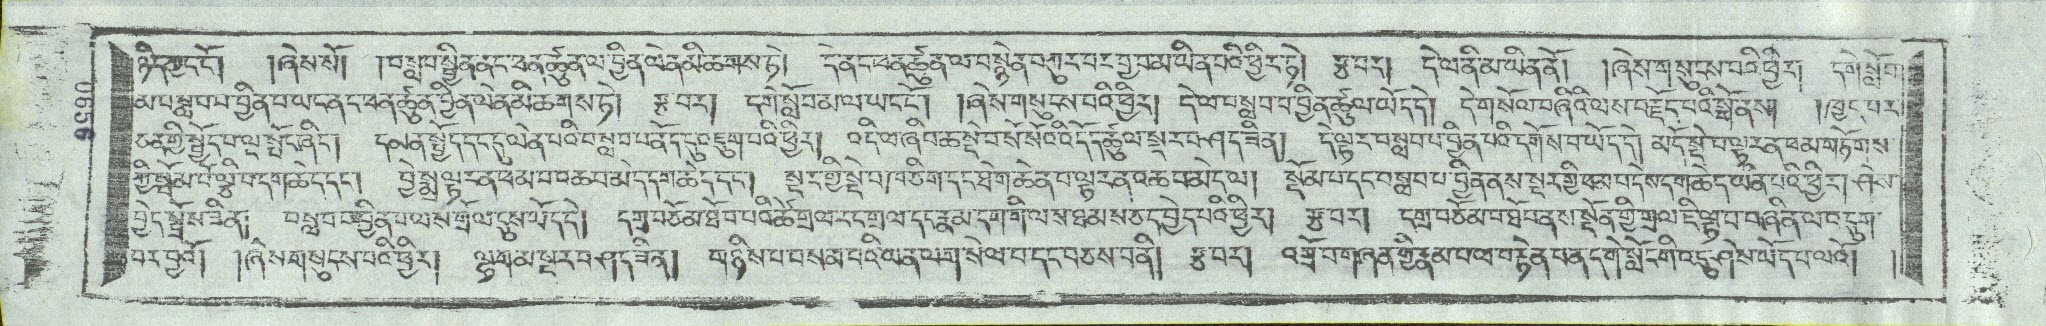ཉིད་ཀྱང་ངོ། །ཞེས་སོ། །བསླབ་སྦྱིན་ནང་ཕན་ཚུན་ལ་བྱིན་ལེན་མི་ཆགས་ཏེ། དེ་ནང་ཕན་ཚུན་ལ་བསྙེན་བཀུར་པར་བྱ་བ་མ་ཡིན་པའི་ཕྱིར་ཏེ། རྩ་བར། དེ་ལ་ནི་མ་ཡིན་ནོ། །ཞེས་གསུངས་པའི་ཕྱིར། དགེ་སློབ་
མ་བསླབ་པ་བྱིན་པ་ཡང་ནང་ཕན་ཚུན་བྱིན་ལེན་མི་ཆགས་ཏེ། རྩ་བར། དགེ་སློབ་མ་ལ་ཡང་ངོ། །ཞེས་གསུངས་པའི་ཕྱིར། དེ་ལ་བསླབ་པ་བྱིན་ཚུལ་ཡོད་དེ། དེ་གསོལ་བཞིའི་ལས་བརྗོད་པའི་སྒོ་ནས། །ཁྱད་པར་
ཅན་གྱི་སྤྱོད་པ་ལྔ་སྤོང་ཞིང་། དམན་སྤྱོད་དང་དུ་ལེན་པའི་བསླབ་པ་ནོད་དུ་འཇུག་པའི་ཕྱིར། འདི་ལ་ཞིབ་ཆ་སྡེབ་སོ་སོའི་འདོད་ཚུལ་སྔར་བཤད་ཟིན། དེ་ལྟར་བསླབ་པ་བྱིན་པའི་དགོས་པ་ཡོད་དེ། མདོ་སྡེ་པ་ལྟར་ན་ཕ་མ་གཏོགས་
ཀྱི་སྤོམ་པོ་ལྕི་བ་དག་ཆེད་དང་། བྱེ་སྨྲ་ལྟར་ན་ཕམ་པ་འཆབ་མེད་དག་ཆེད་དང་། སྔར་གྱི་སྡེ་བ་ཁ་ཅིག་དང་ཐེག་ཆེན་པ་ལྟར་ན་འཆབ་མེད་ལ། སྡོམ་པ་དང་བསླབ་པ་བྱིན་ནས་སྔར་གྱི་ཕམ་པ་དེས་དག་ཆེད་ཡིན་པའི་ཕྱིར། ཤེས་
བྱེད་སྤྲོས་ཟིན། བསླབ་པ་བྱིན་པ་ལས་གྲོལ་དུས་ཡོད་དེ། དགྲ་བཅོམ་ཐོབ་པའི་ཚེ་གྲལ་རང་གྲལ་དང་རྣམ་དག་གི་ལས་ཐམས་ཅད་བྱེད་པའི་ཕྱིར། རྩ་བར། དགྲ་བཅོམ་པ་ཐོབ་ནས་སྔོན་གྱི་གྲལ་ཇི་ལྟ་བ་བཞིན་ལ་འདུག་
པར་བྱའོ། །ཞེས་གསུངས་པའི་ཕྱིར། ལྷག་མ་སྔར་བཤད་ཟིན། གཉིས་པ་བསམ་པའི་ཡན་ལག་སེལ་བ་དང་བཅས་པ་ནི། རྩ་བར། འགྲོ་བ་གཞན་གྱི་རྣམ་པ་ལ་བརྟེན་པ་ན་དགེ་སློང་གི་འདུ་ཤེས་ཡོད་པ་ལའོ། །